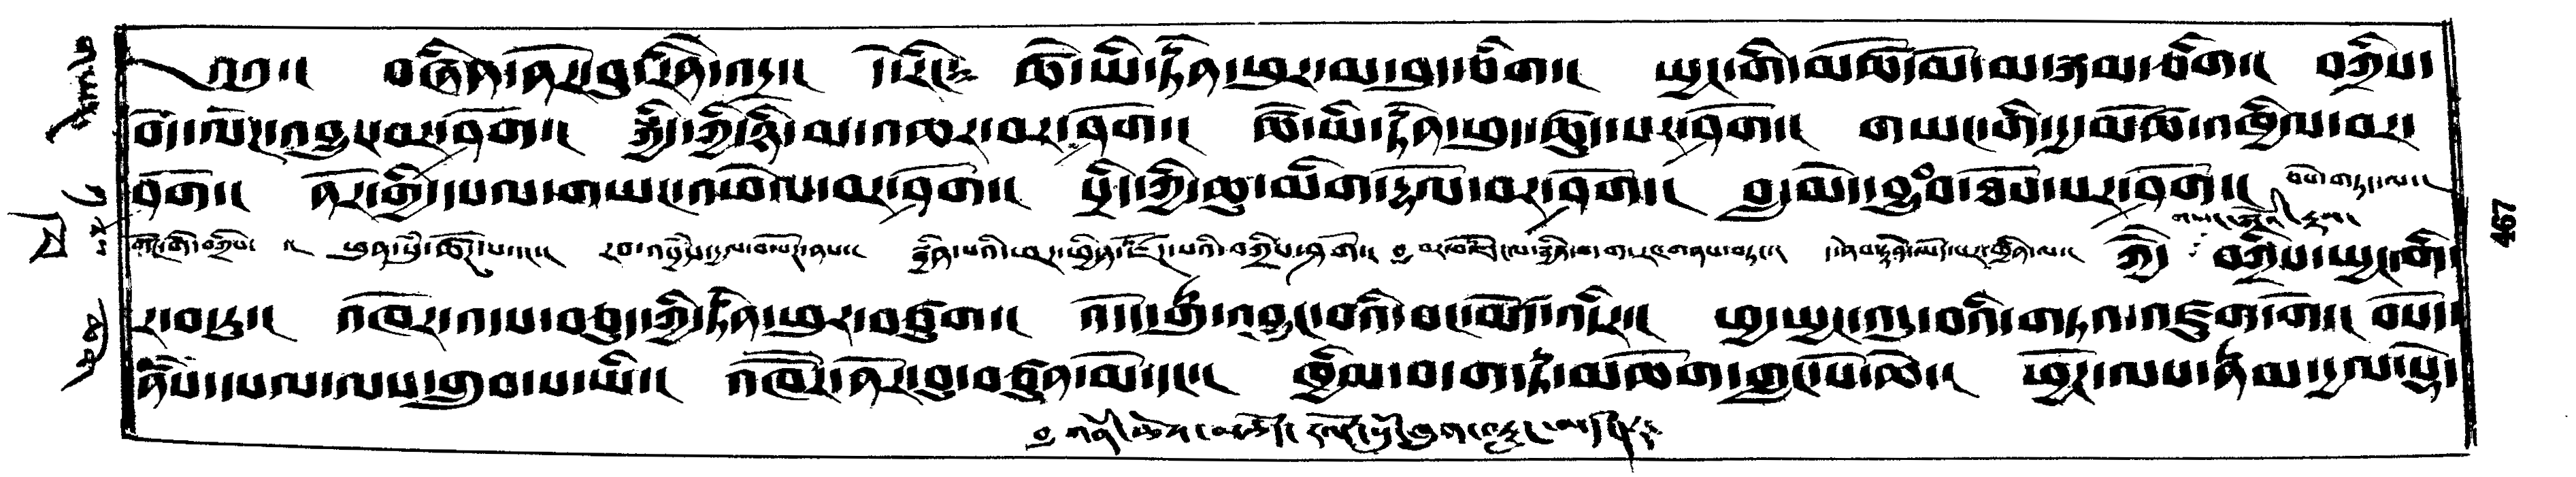བཞིན་ནོར་བུ་རིན་ཆེན་འདྲ། །དེ་རིང༴ ཚེ་ཡི་རྟེན་ཕུར་མ་བུད་ཅིག །གཡང་གི་མཚོ་མོ་མ་སྐམ་ཞིག །བཀྲ་ཤིས་
བདེ་ལེགས་འབྱུང་བར་ཤོག །སྐྱིད་ཀྱི་ཉི་མ་འཆར་བར་ཤོག །ཚེ་ཡི་རྟེན་ཕུར་ཚུགས་པར་ཤོག །གཡང་གི་རྒྱ་མཚོ་འཁྱིལ་བར་
ཤོག །ནོར་གྱི་དཔལ་གཡང་འཕེལ་བར་ཤོག །སྲིད་ཀྱི་ཆུ་མིག་རྡོལ་བར་ཤོག །བླ་མེད་བྱང་ཆུབ་ཐོབ་པར་ཤོག ། ཅེས་གཏད་ལ། 
གོང་གི་བཀྲ་ཤིས་དང་། ཕུན་སུམ་ཚོགས་པ། རབ་འབྱམས་རྒྱལ་བ་སོགས་ནས་སྦྱིན་པའི་ཕར་ཕྱིན་རྫོགས་པའི་བཀྲ་ཤིས་ཤོག བར་བརྗོད་ལ་སྦྱིན་བདག་རང་གནས་སུ་བཏང་། དེ་ནས་རྟེན་ཡོད་སར་ཕྱིན་ལ། ཀྱཻ། བཀྲ་ཤིས་གཡང་གི་
ར་བ་རུ། །འཁོར་འདས་བཅུད་ཀྱི་རྟེན་ཕུར་བཙུག །འདོད་རྒུ་འབྱུང་བའི་བང་མཛོད་འདིར། །ཕྱ་གཡང་འདུ་བའི་གཏའ་འཛུག་གོ །བསོད་
ནམས་དཔལ་ལས་གྲུབ་པ་ཡི། །འཁོར་ལོ་ནོར་བུ་བཙུན་མོ་དང་། ཁྱིམ་བདག་རྟ་མཆོག་གླང་པོ་ཆེ། །ཕྱོགས་ལས་རྣམ་རྒྱལ་སྡེ་